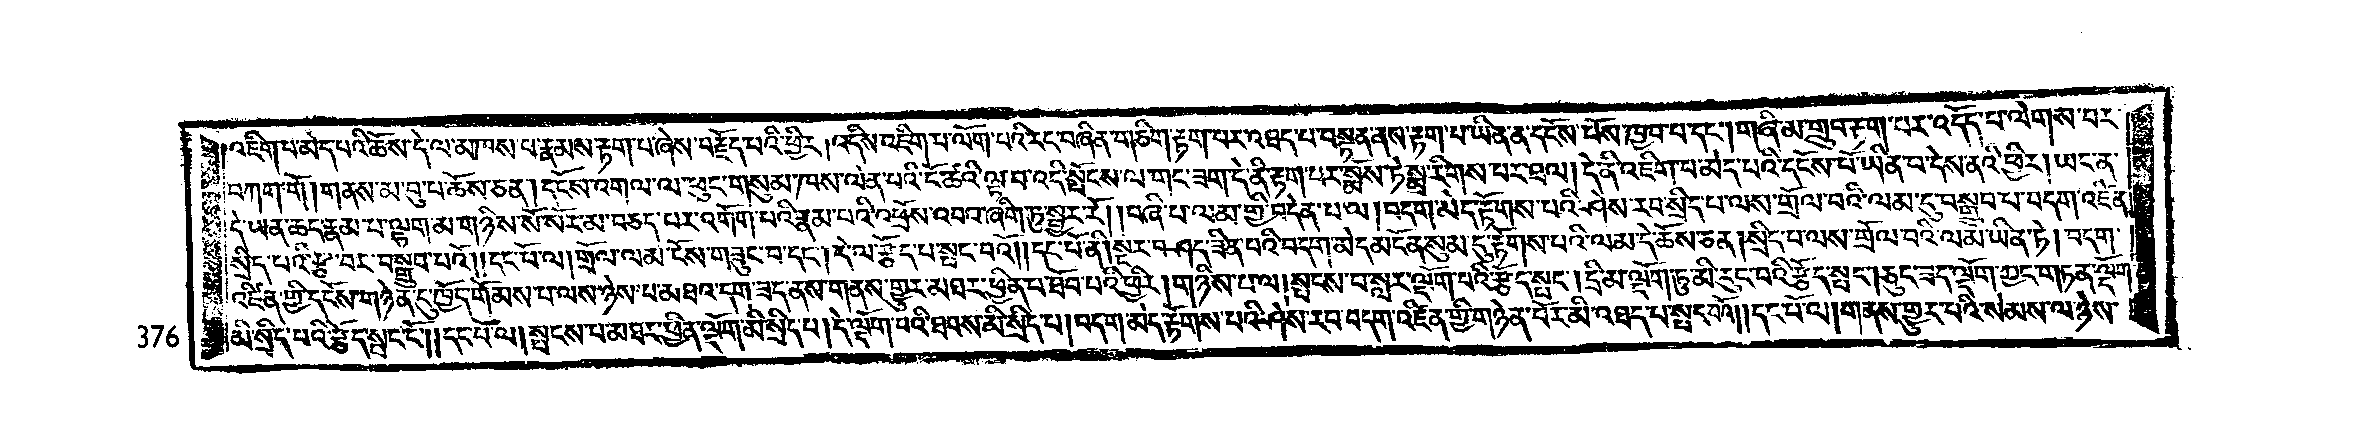འཇིག་པ་མེད་པའི་ཆོས་དེ་ལ་མཁས་པ་རྣམས་རྟག་པ་ཞེས་བརྗོད་པའི་ཕྱིར། འདིས་འཇིག་པ་ལོག་པའི་རང་བཞིན་གཅིག་རྟག་པར་འཐད་པ་བསྟན་ནས་རྟག་པ་ཡིན་ན་དངོས་པོས་ཁྱབ་པ་དང་། གཞི་མ་གྲུབ་རྟག་པར་འདོད་པ་ལེགས་པར་
བཀག་གོ། གནས་མ་བུ་པ་ཆོས་ཅན། དངོས་འགལ་ལ་ཕུང་གསུམ་ཁས་ལེན་པའི་ངོ་ཚའི་ལྟ་བ་འདི་སྤོངས་ལ་གང་ཟག་དེ་ནི་རྟག་པར་སྨོས་ཏེ་སྨྲ་རིགས་པར་ཐལ། དེ་ནི་འཇིག་པ་མེད་པའི་དངོས་པོ་ཡིན་པ་དེས་ནའི་ཕྱིར། ཡང་ན་
དེ་ཡན་ཆད་རྣམ་པ་ལྷག་མ་གཉིས་སོ་སོར་མ་བཅད་པར་འགོག་པའི་རྣམ་པའི་འཕྲོས་འབའ་ཞིག་ཏུ་སྦྱར་རོ། །བཞི་པ་ལམ་གྱི་བདེན་པ་ལ། བདག་མེད་རྟོགས་པའི་ཤེས་རབ་སྲིད་པ་ལས་གྲོལ་བའི་ལམ་དུ་བསྒྲུབ་པ་བདག་འཛིན་
སྲིད་པའི་རྩ་བར་བསྒྲུབ་པའོ། །དང་པོ་ལ། གྲོལ་ལམ་ངོས་གཟུང་བ་དང་། དེ་ལ་རྩོད་པ་སྤང་བའོ། །དང་པོ་ནི། སྔར་བཤད་ཟིན་པའི་བདག་མེད་མངོན་སུམ་དུ་རྟོགས་པའི་ལམ་དེ་ཆོས་ཅན། སྲིད་པ་ལས་གྲོལ་བའི་ལམ་ཡིན་ཏེ། བད་
འཛིན་གྱི་དངོས་གཉེན་དུ་ཁྱོད་གོམས་པ་ལས་ཉེས་པ་མཐའ་དག་ཟད་ནས་གནས་གྱུར་མཐར་ཕྱིན་པ་ཐོབ་པའི་ཕྱིར། གཉིས་པ་ལ། སྤངས་པ་སླར་ལྡོག་པའི་རྩོད་སྤང་། དྲི་མ་ལྡོག་ཏུ་མི་རུང་བའི་རྩོད་སྤང་། ཅུང་ཟད་ལྡོག་ཀྱང་གཏན་ལྡོག་
མི་སྲིད་པའི་རྩོད་སྤང་ངོ། །དང་པོ་ལ། སྤངས་པ་མཐར་ཕྱིན་ལྡོག་མི་སྲིད་པ། དེ་ལྡོག་པའི་ཐབས་མི་སྲིད་པ། བདག་མེད་རྟོགས་པའི་ཤེས་རབ་བདག་འཛིན་གྱི་གཉེན་པོར་མི་འཐད་པ་སྤང་བའི། །དང་པོ་ལ། གནས་གྱུར་པའི་སེམས་ལ་ཉེས་